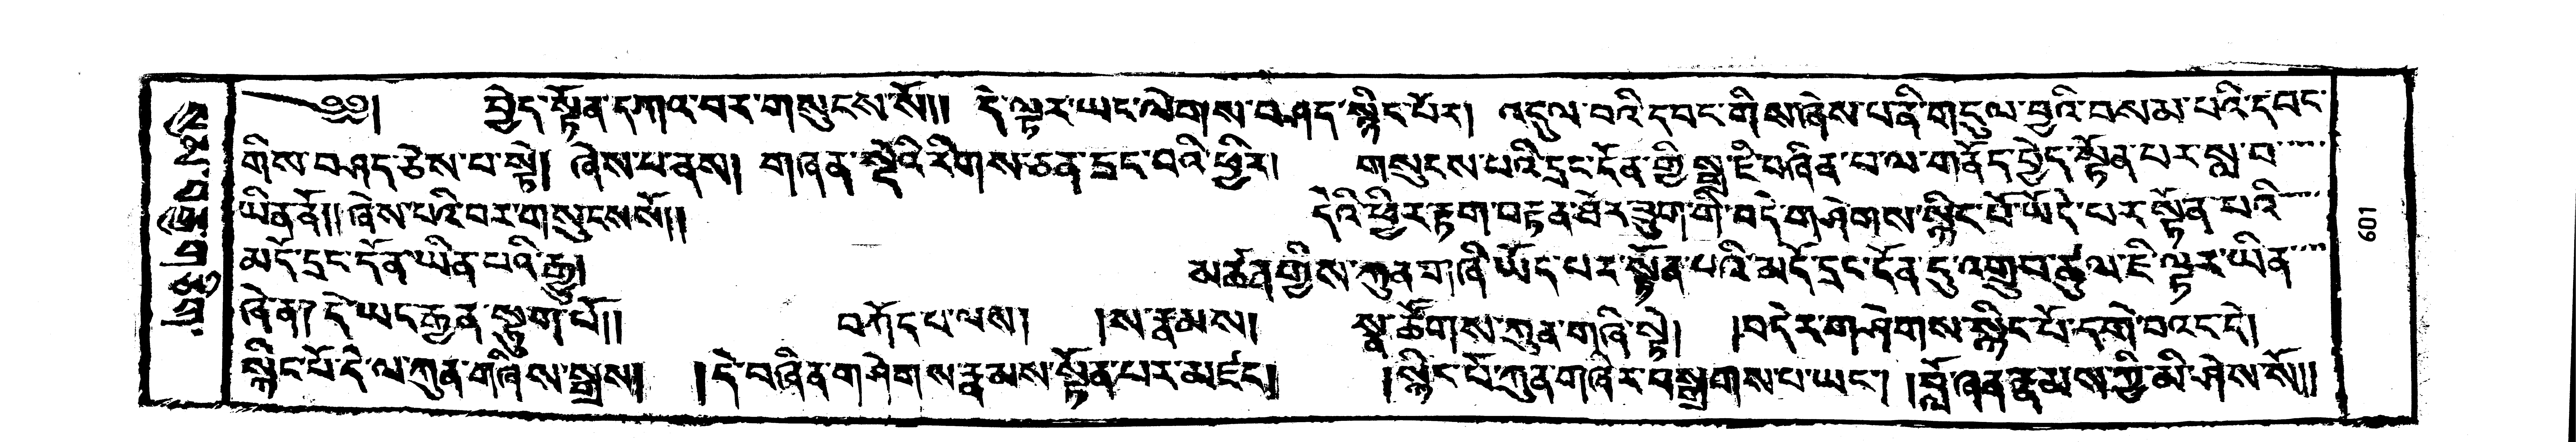༄༅། །བྱེད་སྟོན་དཀའ་བར་གསུངས་སོ། །དེ་ལྟར་ཡང་ལེགས་བཤད་སྙིང་པོར། འདུལ་བའི་དབང་གིས་ཞེས་པ་ནི་གདུལ་བྱའི་བསམ་པའི་དབང་
གིས་བཤད་ཅེས་པ་སྟེ། ཞེས་པ་ནས། གཞན་སྡེའི་རིགས་ཅན་དྲང་བའི་ཕྱིར། གསུངས་པའི་དྲང་དོན་གྱི་སྒྲ་ཇི་བཞིན་པ་ལ་གནོད་བྱེད་སྟོན་པར་སླ་བ་
ཡིན་ནོ། །ཞེས་པའི་བར་གསུངས་སོ། །དེའི་ཕྱིར་རྟག་བརྟན་ཐོར་ཟུག་གི་བདེ་གཤེགས་སྙིང་པོ་ཡོད་པར་སྟོན་པའི་
མདོ་དྲང་དོན་ཡིན་པའི་རྒྱུ། མཚན་གྱིས་ཀུན་གཞི་ཡོད་པར་སྟོན་པའི་མདོ་དྲང་དོན་དུ་འགྲུབ་ཚུལ་ཇི་ལྟར་ཡིན་
ཞེ་ན། དེ་ཡང་རྒྱན་སྟུག་པོ། །བཀོད་པ་ལས། །ས་རྣམས། སྣ་ཚོགས་ཀུན་གཞི་སྟེ། །བདེར་གཤེགས་སྙིང་པོ་དགེ་བའང་དེ།
སྙིང་པོ་དེ་ལ་ཀུན་གཞིས་སྒྲས། །དེ་བཞིན་གཤེགས་རྣམས་སྟོན་པར་མཛད། །སྙིང་པོ་ཀུན་གཞིར་བསྒྲགས་པ་ཡང་། །བློ་ཞན་རྣམས་ཀྱི་མི་ཤེས་སོ།།